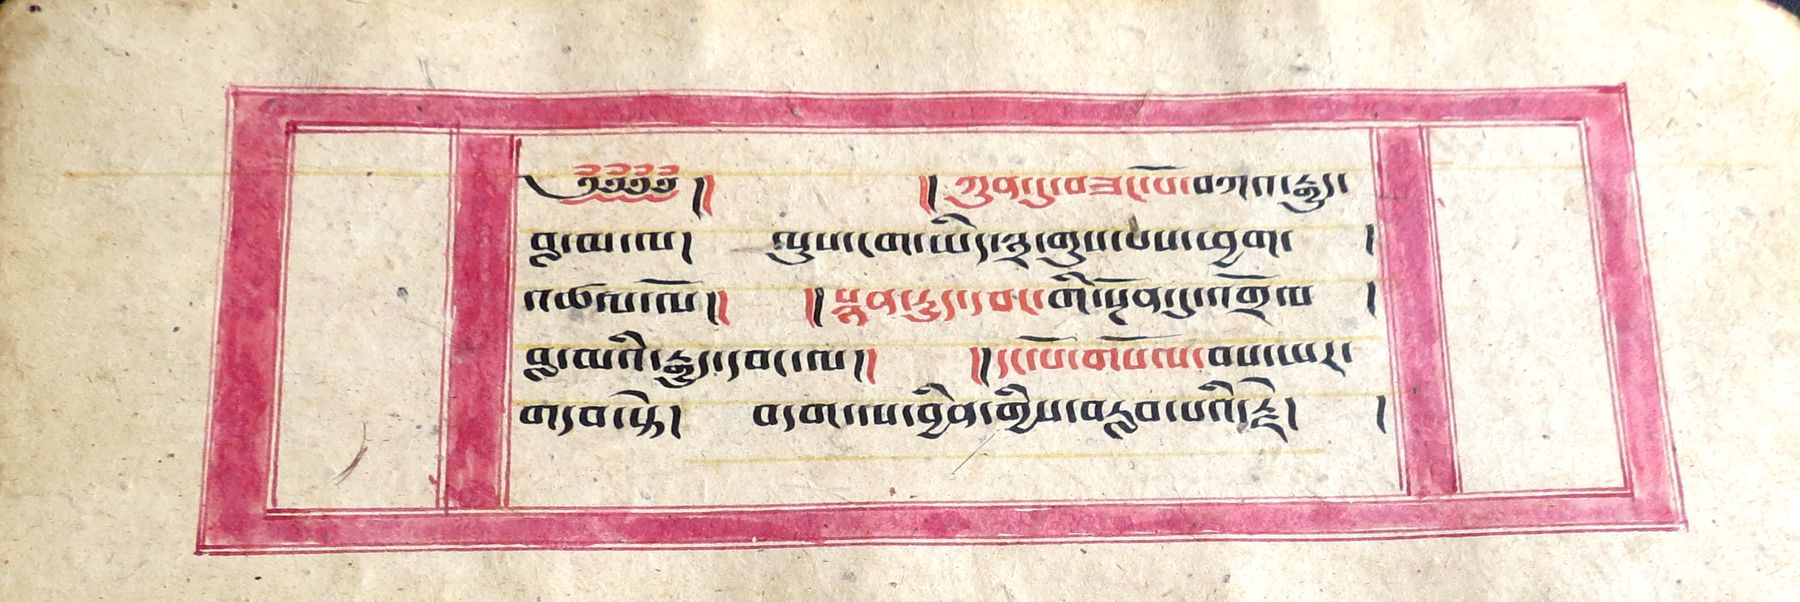༄༅། ། ། ། ཀུན་ཏུ་བཟང་པོ་བཀའ་རྒྱུད་
བླ་མ་ལ། ། ལུས་ངག་ཡིད་གསུམ་གུས་པས་ཕྱག་
འཚལ་ལོ། ། སྙན་རྒྱུད་དབང་གི་སྔོན་དུ་འགྲོ་བ་
བླ་མའི་བརྒྱུད་དབང་ལ། དང་པོ་གསོལ་བ་ཡར་
བཏབ་སྟེ། ། བདག་ལ་བྱིན་གྱིས་རློབ་པའི་རྗེ། །